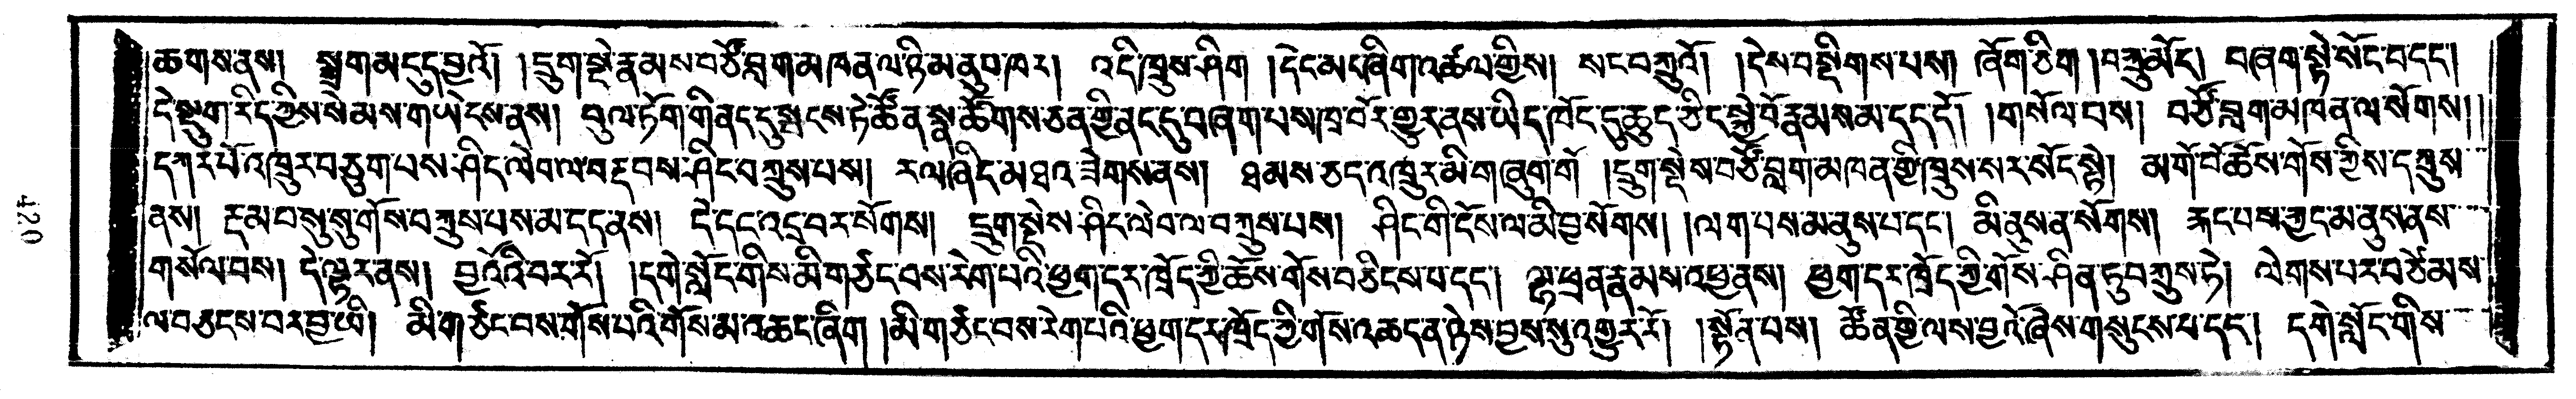ཆགས་ནས། སྒྲག་མངུད་བྱའོ། །དྲུག་སྡེ་རྣམས་བཙོ་བླག་མཁན་ལ་ཉི་མ་ནུབ་ཁར། འདི་ཁྲུས་ཤིག །དེང་མང་ཞིག་འཚལ་གྱིས། སང་བཀྲུའོ། །དེས་བསྡིགས་པས། ཞོག་ཅིག །བཀྲུ་མོང་། བཞག་སྟེ་སོང་བ་དང་།
དེ་སྡུག་རིད་ཀྱིས་སེམས་གཡེངས་ནས། བུལ་ཏོག་གི་ནང་དུ་སྦངས་ཏེ་ཚོན་སྣ་ཚོགས་ཅན་གྱི་ནང་དུ་བཞག་པས་ཁྲ་བོར་གྱུར་ནས་ཡིད་ཁོང་དུ་ཆུད་ཅིང་སྐྱེ་བོ་རྣམས་མ་དད་དོ། །གསོལ་བས། བཙོ་བླག་མཁན་ལ་སོགས།།
དཀར་པོ་འཁྲུར་བཅུག་པས་ཤིང་ལེབ་ལ་བརྡབས་ཤིང་བཀྲུས་པས། རལ་ཞིང་མཐའ་ཟེགས་ནས། ཐམས་ཅད་འཁྲུར་མི་གཞུག་གོ །དྲུག་སྡེས་བཙོ་བླག་མཁན་གྱི་ཁྲུས་སར་སོང་སྟེ། མགོ་བོ་ཆོས་གོས་ཀྱིས་དཀྲུས་
ནས། རྔ་མ་པ་སུ་སུ་གོས་བཀྲུས་པས་མ་ངད་ནས། དེ་དང་འདྲ་བར་སོགས། དྲུག་སྡེས་ཤིང་ལེབ་ལ་བཀྲུས་པས། ཤིང་གི་ངོས་ལ་མི་བྱ་སོགས། །ལག་པས་མ་ནུས་པ་དང་། མི་ནུས་ན་སོགས། རྐང་པས་ཀྱང་མ་ནུས་ནས་
གསོལ་བས། དེ་ལྟར་ནས། བྱའོའི་བར་རོ། །དགེ་སློང་གིས་མི་གཙང་བས་རེག་པའི་ཕྱག་དར་ཁྲོད་ཀྱི་ཆོས་གོས་བཅིངས་པ་དང་། ལྷ་ཕྲན་རྣམས་འཕྱ་ནས། ཕྱག་དར་ཁྲོད་ཀྱི་གོས་ཤིན་ཏུ་བཀྲུས་ཏེ། ལེགས་པར་བཙེམས་
ལ་བཅངས་བར་བྱ་ཡི། མི་གཙང་བས་གོས་པའི་གོས་མ་འཆང་ཞིག །མི་གཙང་བས་རེག་པའི་ཕྱག་དར་ཁྲོད་ཀྱི་གོས་འཆད་ན་ཉེས་བྱས་སུ་འགྱུར་རོ། །སྟོན་པས། ཚོན་གྱི་ལས་བྱའོ་ཞེས་གསུངས་པ་དང་། དགེ་སློང་གི་